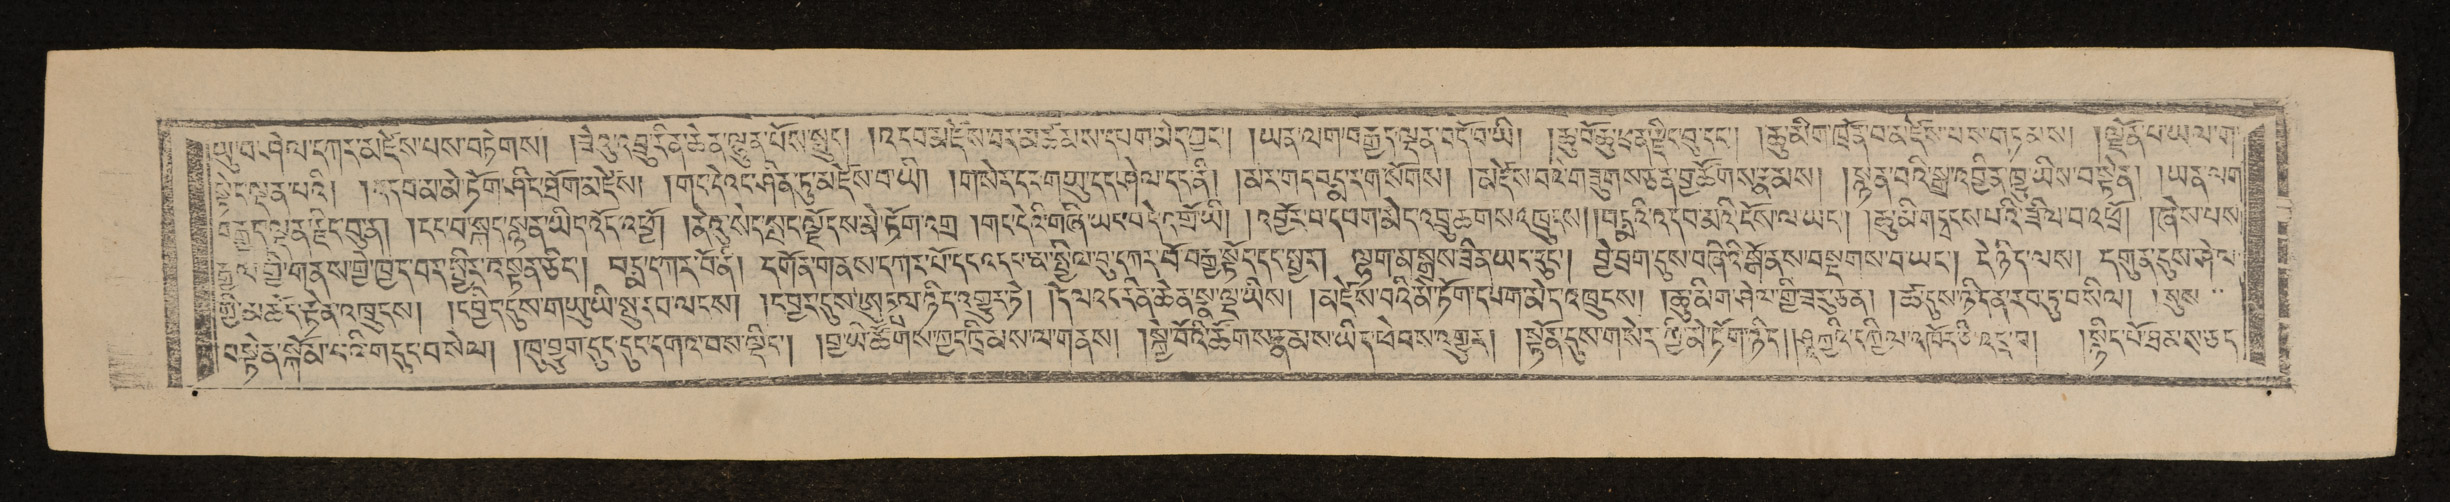ཡུ་བ་ཤེལ་དཀར་མཛེས་པས་བཏེགས། །ཟེའུ་འབྲུ་རིན་ཆེན་ལྷུན་པོས་སྤུད། །འདབ་མཛེས་བར་མཚམས་དཔག་མེད་ཀྱང་། །ཡན་ལག་བརྒྱད་ལྡན་བདོ་བ་ཡི། །ཆུ་བོ་ཆུ་ཕྲན་རྫིང་བུ་དང་། །ཆུ་མིག་ཁྲོན་པ་མཛེས་པས་གཏམས། །ལྗོན་པ་ཡལ་ག་
སྟེང་ལྡན་པའི། །འདབ་མ་མེ་ཏོག་ཤིང་ཐོག་མཛེས། །གང་དེའང་ཤིན་ཏུ་མཛེས་བ་ཡི། །གསེར་དང་གཡུ་དང་ཤེལ་དང་ནི། །མར་གད་པདམ་ར་ག་སོགས། །མཛེས་པའི་གཟུགས་ཅན་བྱ་ཚོགས་རྣམས། །སྙན་པའི་སྒྲ་འབྱིན་ཁྱུ་ཡིས་བསྟེན། །ཡན་ལག་
བརྒྱད་ལྡན་རྫིང་བུ་ན། །དད་བ་སྐད་སྙན་ཡིད་འོང་འཕྱོ། །ནེའུ་སེང་སྤང་ལྗོངས་མེ་ཏོག་བཀྲ་།གང་དེའི་གཞི་ཡང་བདེ་འགྲོ་ཡི། །འབྱོར་པ་དཔག་མེད་འབྲུ་ཆགས་འཁྲུངས། །པདམའི་འདབ་མའི་ངོས་ལ་ཡང་། །ཆུ་མིག་དྭངས་པའི་ཟིལ་བ་འཕྲོ། །ཞེས་པས་
རྒྱལ་གྱི་གནས་ཀྱི་ཁྱད་པར་སྤྱིར་བསྟན་ཅིང་། པདམ་དཀར་པོ་ནི། དགོན་གནས་དཀར་པོ་དང་འདབ་མ་སྤྱིལ་བུ་དཀར་པོ་བརྒྱ་སྟོང་དང་སྦྱར། ལྷག་མ་སྒྲས་ཟིན་ཡང་རུང་། བྱེ་བྲག་དུས་བཞིའི་སྒོ་ནས་བསྔགས་པ་ཡང་། དེ་ཉིད་ལས། དགུན་དུས་ཤེལ་
གྱི་མཆོད་རྟེན་འཁྲུངས། །དཔྱིད་དུས་གཡུ་ཡི་སྤུ་རབ་ལངས། །དབྱར་དུས་ཨུཏྤལ་ཉིད་འགྱུར་ཏེ། །དེ་ལའང་རིན་ཆེན་སྣ་ལྔ་ཡིས། །མཛེས་པའི་མེ་ཏོག་དཔག་མེད་འཁྲུངས། །ཆུ་མིག་ཤེལ་གྱི་ཟ་རུ་ཅན། །ཚ་དུས་ཉིད་ན་རབ་ཏུ་བསིལ། །སུས་
བསྟེན་སྐོམ་པའི་གདུང་བ་སེལ། །ཁུ་བྱུག་དུང་དུང་དགའ་བས་ལྡིང་། །བྱ་ཡི་ཚོགས་ཀྱང་ཁྲིམས་ལ་གནས། །སྐྱེ་བོའི་ཚོགས་རྣམས་ཡིད་ཕེབས་འགྱུར། །སྟོན་དུས་གསེར་གྱི་མེ་ཏོག་ཉིད། །ཤཱཀྱའི་དཀྱིལ་འཁོར་ཅི་འདྲ་བ། །སྙིང་པོ་ཐམས་ཅད་